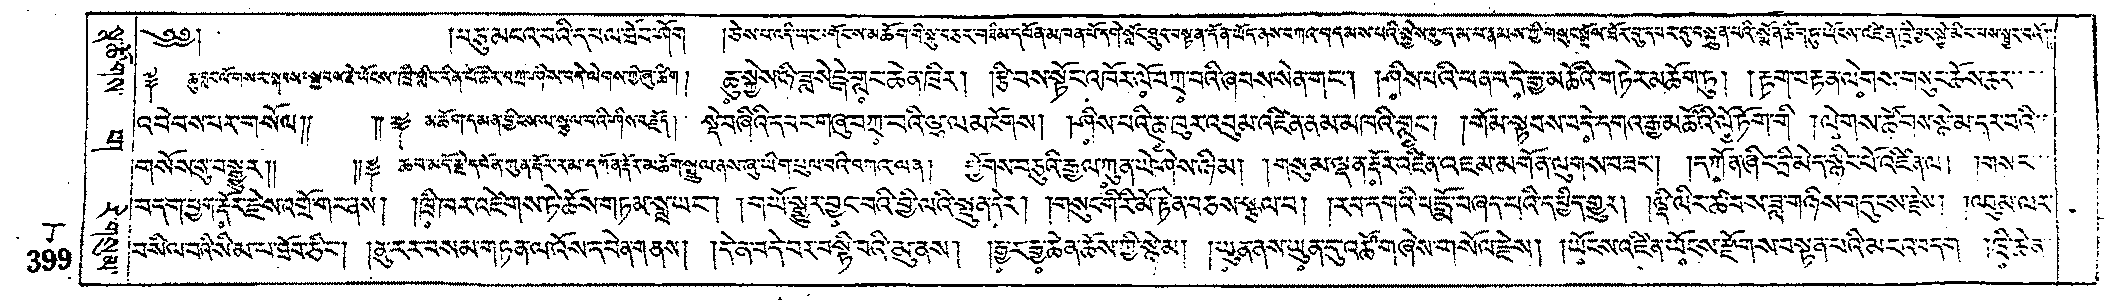༄༅། །བུ་མངའ་བའི་དཔལ་ཐོབ་ཤོག །ཅེས་པ་འདི་ཡང ༧གོང་ས་མཆོག་གི་སྐུ་བཅར་གཟིམ་དཔོན་མཁན་པོ་དགེ་སློང་ཐུབ་བསྟན་དོན་ཡོད་ནས་བཀའ་གདམས་པའི་སྐྱེས་བུ་དམ་པ་རྣམས་ཀྱི་གསུང་སྒྲོས་ཐོར་བུ་དཔར་དུ་བསྐྲུན་པའི་སྨོན་ཚིག་ཏུ་ཡོངས་འཛིན་ཁྲི་བྱང་སྐྱེ་མིང་པས་སྦྱར་བའོ།།
འ་ཆུ་གླང་ལོ་གསར་སྐབས ༧སྐྱབས་རྗེ་ཡོངས་ཁྲི་གླིང་རིན་པོ་ཆེར་བཀྲ་ཤིས་བདེ་ལེགས་ཀྱི་ཞུ་ཚིག ། ཆུ྾་སྐྱེས་ཉི་ཟླ་སེངྒེ་གླང྾་ཆེན་ཁྲིར། །རྩིབས་སྟོང་འཁོར་ལོ྾་བཀྲ྾་བའི་ཞབས་སེན་གང་། །ཤིས྾་པའི་ཕན་བདེ྾་རྒྱ་མཚོའི་གཏེར་མཆོག་ཏུ། །རྟག་བརྟན་ལེགས྾་གསུང་ཆོས་ཆར་་་
འབེབས་པར་གསོལ།། །།འ་མཆོག་དམན་བྱིངས་ལ་སྩལ་བའི་ཤིས་བརྗོད།  སྡེ་བཞིའི་དབང་གཞུ་བཀྲ྾་བའི་ལྷ་ལམ་ངོགས། །ཤིས྾་པའི་ཆུ་ཁུར་འབུམ་འཛིན་ནམ་མཁའི་གླང་། །གོམ་སྟབས་བདེཨོ་དགའ་རྒྱ་མཚོའི་ལོ་ཏོག་གི །ལེགས྾་ཚོགས་སྙེ་མ་དར་བའི་་་
གསོས་སུ་བསྒྱུར།། །།འ་ཆབ་མདོ་རྗེ་དབོན་ཀུན་རྡོར་རམ་དཀོན་རྡོར་མཆོག་སྤྲུལ་ནས་ཞུ་ཡིག་ཕུལ་བའི་བཀའ་ལན།  ཕྱོགས་བཅུའི་རྒྱལ྾་ཀུན་ཡེ་ཤེས་ཉི་མ། །གསུམ་ལྡན་རྡོར྾་འཛིན་འཇམ་མགོན་ལུགས་བཟང་། །དཀོན྾་ཞིང་དྲི་མེད་སྙིང་པོ་འཛིན་ལ། །གསང་་་
བདག་ཕྱག་རྡོར྾་རྗེས་འགྲོ་གང་ནས། །ཁྲི྾་ཁར་འཛེགས་ཏེ་ཆོས་གཏམ་སྨྲ་ཡང་། །གཡོ་སྒྱུར་བྱང྾་བའི་བྱི་ལའི་སྤུན་དེར། །གསུང་གི་རི་མོ་རྟེན་བཅས་སྩལ་བ། །རབ་དགའི་པདམོ་བཞད་པའི་དཔྱིད་གྱུར། །ལྡི་ལིར་ཚ་བས་ཟླ་གཉིས་གདུངས་རྗེས། །འབུམ་ལར་
བསིལ་བའི་སིམ་པ་ཐོབ་ཅིང་། །ནུ་རར་བསམ་གཏན་ལ་འོས་དབེན་གནས། །དེ་ན་བདེ་བར་བསྟི་བའི་མུ་ནས། །རྒྱ྾་ར་རྒྱ྾་ཆེན་ཆོས་ཀྱི་སྙེ་མ། །ཡུན྾་ནས་ཡུན྾་དུ་འཚོ་གཞེས་གསོལ་རྗེས། །ཡོངས྾་འཛིན་ཡོངས྾་རྫོགས་བསྟན་པའི་མངའ་བདག །ཁྲི྾་ཆེན་